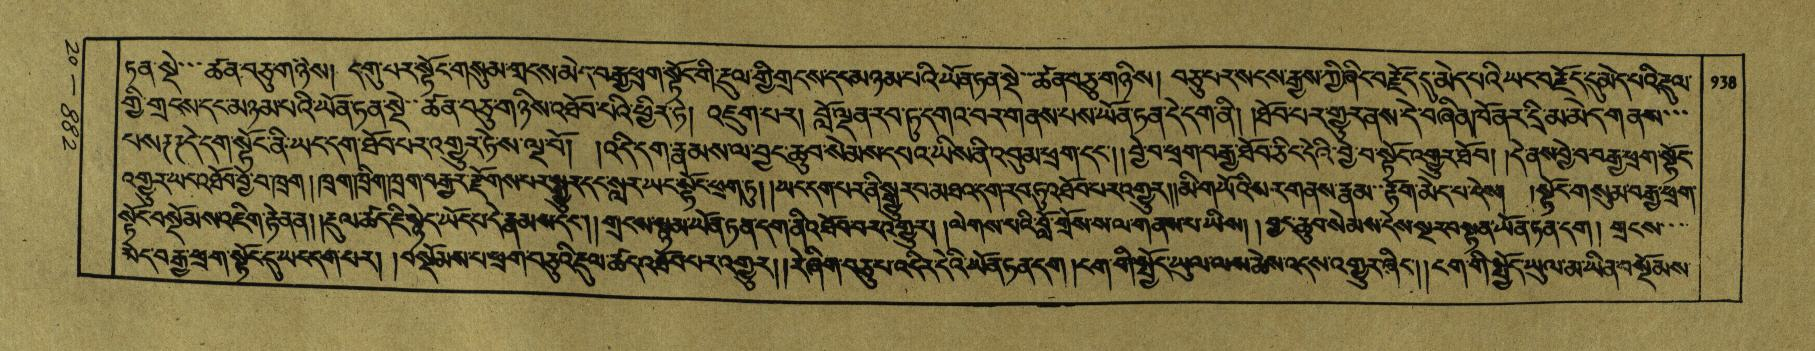ཏན་སྡེ་ཚན་བཅུ་གཉིས། དགུ་པར་སྟོང་གསུམ་གྲངས་མེད་བརྒྱ་ཕྲག་སྟོང་གི་རྡུལ་གྱི་གྲངས་དང་མཉམ་པའི་ཡོན་ཏན་སྡེ་ཚན་བཅུ་གཉིས། བཅུ་པར་སངས་རྒྱས་ཀྱི་ཞིང་བརྗོད་དུ་མེད་པའི་ཡང་བརྗོད་དུ་མེད་པའི་རྡུལ་
གྱི་གྲངས་དང་མཉམ་པའི་ཡོན་ཏན་སྡེ་ཚན་བཅུ་གཉིས་འཐོབ་པའི་ཕྱིར་ཏེ། འཇུག་པར། བློ་ལྡན་རབ་ཏུ་དགའ་བར་གནས་པས་ཡོན་ཏན་དེ་དག་ནི། །ཐོབ་པར་གྱུར་ནས་དེ་བཞིན་ཁོ་ནར་དྲི་མ་མེད་གནས་
པས༑ ༑དེ་དག་སྟོང་ནི་ཡང་དག་ཐོབ་པར་འགྱུར་ཏེ་ས་ལྔ་པོ། །འདི་དག་རྣམས་ལ་བྱང་ཆུབ་སེམས་དཔའ་ཡིས་ནི་འབུམ་ཕྲག་དང་། །བྱེ་བ་ཕྲག་བརྒྱ་ཐོབ་ཅིང་དེའི་བྱེ་བ་སྟོང་འགྱུར་ཐོབ། །དེ་ནས་བྱེ་བ་བརྒྱ་ཕྲག་སྟོང་
འགྱུར་ཡང་འཐོབ་བྱེ་བ་ཁྲག །ཁྲག་ཁྲིག་བརྒྱར་རྫོགས་པར་སྒྱུར་དང་སླར་ཡང་སྟོང་ཕྲག་ཏུ། །ཡང་དག་པར་ནི་སྒྱུར་བ་མཐའ་དག་རབ་ཏུ་འཐོབ་པར་འགྱུར། །མི་གཡོའི་སར་གནས་རྣམ་རྟོག་མེད་པ་དེས། །སྟོང་གསུམ་བརྒྱ་ཕྲག་
སྟོང་བསྡོམས་འཇིག་རྟེན་ན། །རྡུལ་ཚད་ཇི་སྙེད་ཡོད་པ་དེ་རྣམས་དང་། །གྲངས་སྙམ་ཡོན་ཏན་དག་ནི་འཐོབ་བར་འགྱུར། །ལེགས་པའི་བློ་གྲོས་ས་ལ་གནས་པ་ཡིས། །བྱང་ཆུབ་སེམས་དེས་སྔར་བསྟན་ཡོན་ཏན་དག །གྲངས་
མེད་བརྒྱ་ཕྲག་སྟོང་དུ་ཡང་དག་པར། །བསྔོམས་པ་ཕྲག་བཅུའི་རྡུལ་ཚད་འཐོབ་པར་འགྱུར། །རེ་ཞིག་བཅུ་པ་འདིར་དེའི་ཡོན་ཏན་དག །ངག་གི་སྤྱོད་ཡུལ་ལས་ཆེས་འདས་འགྱུར་ཞིང་། །ངག་གི་སྤྱོད་ཡུལ་མ་ཡིན་བསྔོམས་